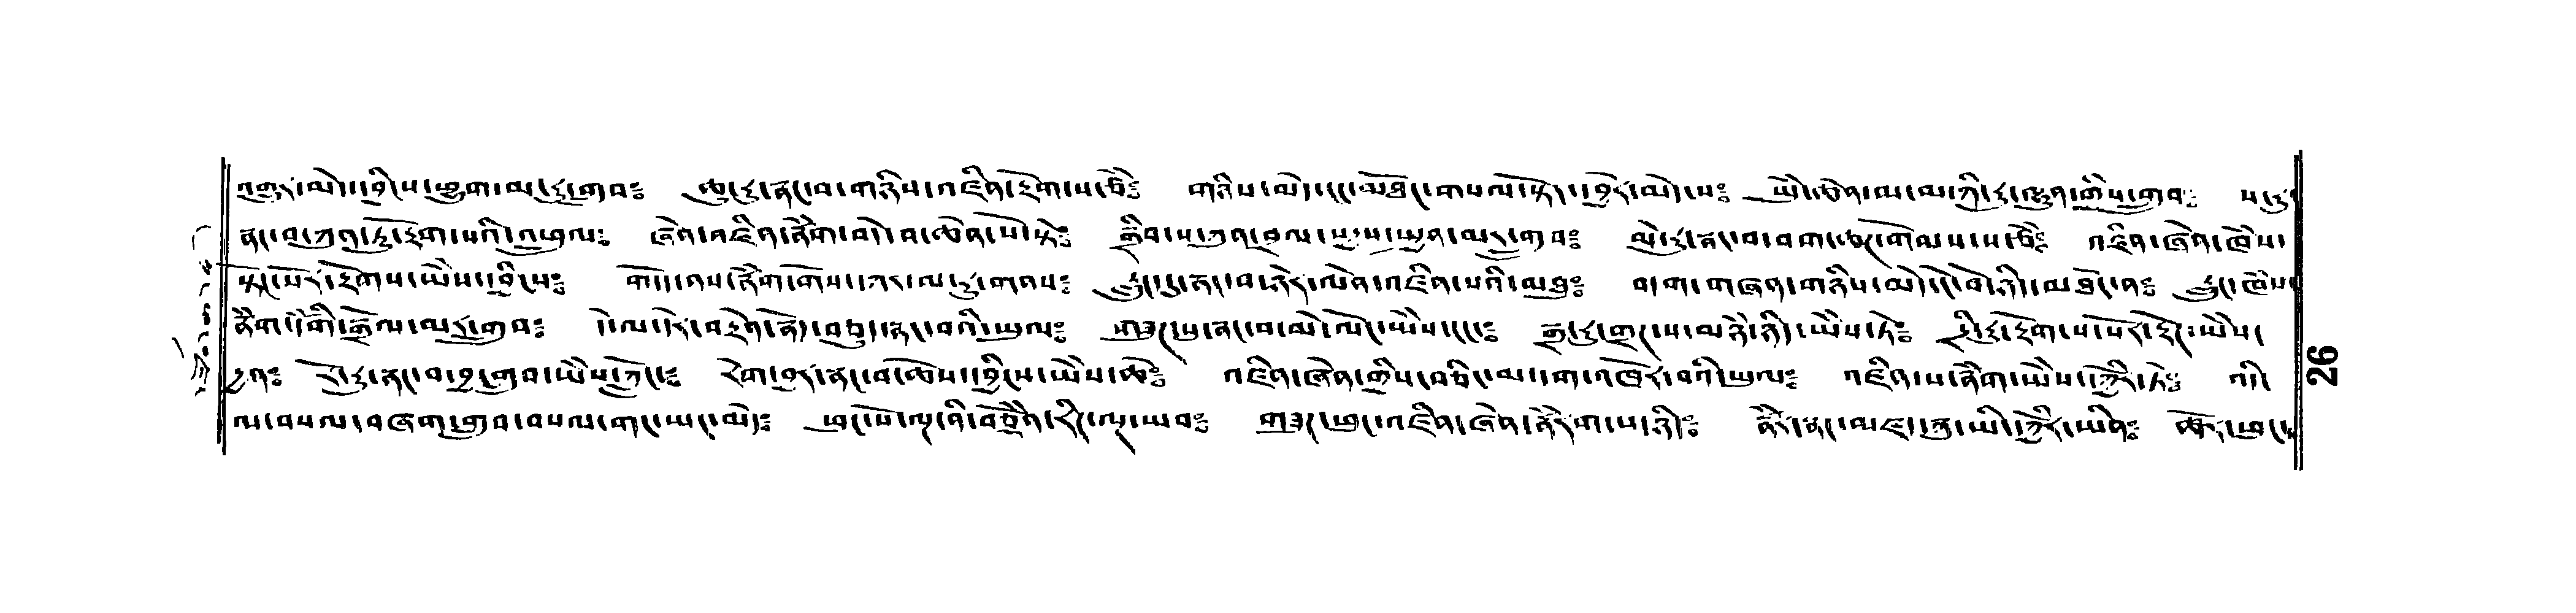འགྱུར་མེད་དབྱིངས་ཕྱུག་མ་རུ་གྲུབ༔ ཆུ་རུ་སྣང་བ་གཉིས་འཛིན་རྟོག་པ་ཙམ༔ གཉིས་མེད་ངང་མཐོང་གསལ་སྟོང་དབྱེར་མེད་པ༔ ཡུམ་ཆེན་མ་མ་ཀི་རུ་ལྷུན་གྱིས་གྲུབ༔ ས་རུ་
སྣང་བ་ཀུན་ཏུ་རྟོག་པའི་འཕྲུལ༔ ཞེན་འཛིན་རྣམ་དག་བདེ་བ་ཆེན་པོ་སྟེ༔ སྒྲིབ་པ་ཀུན་བྲལ་སངས་རྒྱས་སྤྱན་མར་གྲུབ༔ མེ་རུ་སྣང་བ་བག་ཆགས་གོམས་པ་ཙམ༔ འཛིན་ཞེན་ཁམས་
སྟོང་སོར་རྟོགས་ཡེ་ཤེས་དབྱིངས༔ གདོད་ནས་རྣམ་དག་གོས་དཀར་མ་རུ་གནས༔ རླུང་དུ་སྣང་བ་ཉེར་ལེན་འཛིན་པའི་མཐུ༔ བདག་གཞན་གཉིས་མེད་ངོ་བོ་ཉིད་མཐོང་ན༔ རླུང་ཁམས་
རྣམ་དག་དམ་ཚིག་སྒྲོལ་མར་གྲུབ༔ དེ་ལ་དེར་བརྟེན་སྣོད་བཅུད་སྣང་བའི་ཡུལ༔གཟུགས་སུ་སྣང་བ་མེ་ལོང་ཡེ་ཤེས་ངང༔ སྒྲ་རུ་གྲགས་པ་མཉམ་ཉིད་ཡེ་ཤེས་ཏེ༔ དྲི་རུ་རྟོག་པ་སོར་རྟོགས་ཡེ་ཤེས་
རྒྱན༔ རོ་རུ་སྣང་བ་བྱ་གྲུབ་ཡེ་ཤེས་ཀློང༔ རེག་བྱར་སྣང་བ་ཆོས་དབྱིངས་ཡེ་ཤེས་ཆེ༔ འཛིན་ཞེན་གྱིས་བཅིང་མ་དག་འཁོར་བའི་ཡུལ༔ འཛིན་པ་རྣམ་དག་ཡེ་ཤེས་དཀྱིལ་འཁོར་ཏེ༔ འདི་
ལ་བསལ་བཞག་གྲུབ་བསལ་གང་ཡང་མེད༔ ཕུང་པོ་ལྔ་ནི་བཅོམ་ལྡན་རིགས་ལྔ་ཡབ༔ གཟུགས་ཕུང་འཛིན་ཞེན་རྣམ་པར་དག་པ་ཉིད༔ རྣམ་པར་སྣང་མཛད་སྐུ་ཡི་དཀྱིལ་འཁོར་ཡིན༔ ཚོར་ཕུང་